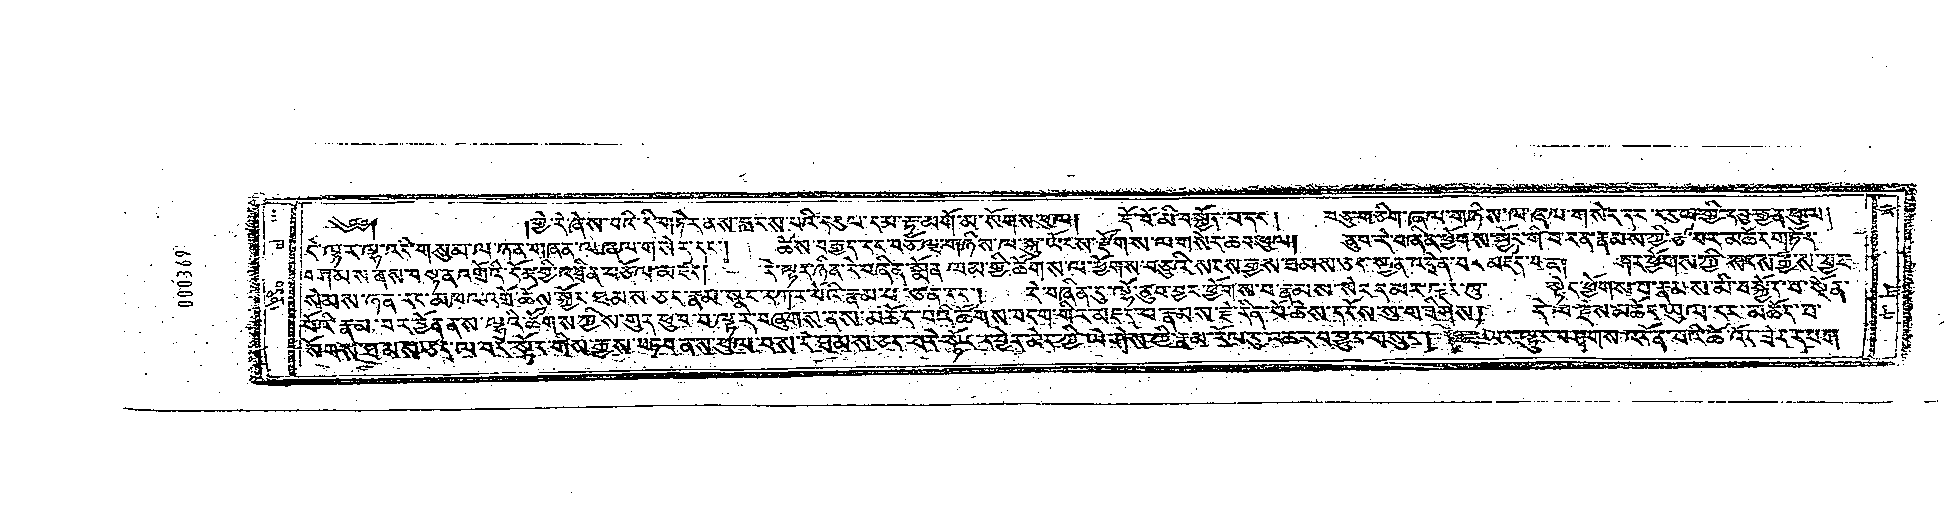༄༅། །གྱེ་རེ་ཞེས་པའི་རི་གཏེར་ནས་བླངས་པའི་དངུལ་དམ་རྟ་མགོ་མ་སོགས་ཕུལ། ཇོ་བོ་མི་བསྐྱོད་པ་དང་། བཅུ་གཅིག་ཞལ་གཉིས་ལ་ཞལ་གསེར་དང་དངུལ་གྱི་དབུ་རྒྱན་ཕུལ།
དེ་ལྟར་ལྷ་འདི་གསུམ་ལ་ཉན་གཞན་ལ་ཞལ་གསེར་དང་། ཚེས་བརྒྱད་རང་བཅོ་ལྔ་གཉིས་ལ་སྐུ་ཡོངས་རྫོགས་ལ་གསེར་ཆབ་ཕུལ། ནུབ་རེ་བཞིན་ཕྱོགས་སྐྱོང་གི་བ་དན་རྣམས་ཀྱི་རྩ་བར་མཆོད་གཏོར་
བཤམས་ནས་བསྟན་འགྲོའི་དོན་གྱི་འཕྲིན་བཅོལ་མཛད། དེ་ལྟར་ཉིན་རེ་བཞིན་སྨོན་ལམ་གྱི་ཚོགས་ལ་ཕྱོགས་བཅུའི་སངས་རྒྱས་ཐམས་ཅད་སྤྱན་འདྲེན་པར་མཛད་པ་ནི། ཤར་ཕྱོགས་ཀྱི་སངས་རྒྱས་བྱང་
སེམས་ཉན་རང་མཁའ་འགྲོ་ཆོས་སྐྱོང་ཐམས་ཅད་རྣམ་སྣང་དཀར་པོའི་རྣམ་པ་ཅན་དང་། དེ་བཞིན་དུ་ལྷོ་ནུབ་བྱང་ཕྱོགས་བ་རྣམས་སེར་དམར་ལྗང་ཁུ། སྟེང་ཕྱོགས་པ་རྣམས་མི་བསྐྱོད་པ་སྔོན་
པོའི་རྣམ་བར་བྱོན་ནས་ལྷའི་ཚོགས་ཀྱིས་གུར་ཕུབ་པ་ལྟར་བཞུགས་ནས་མཆོད་པའི་ཚོགས་བདག་གིར་མཛད་པ་རྣམས་རྗེ་རིན་པོ་ཆེས་དངོས་སུ་གཟིགས། དེ་ལ་རྗེས་མཆོད་ཡུལ་དང་མཆོད་པ་
སོགས་ཐམས་ཅད་ལ་བདེ་སྟོང་གིས་རྒྱས་བཏབ་ནས་ཕུལ་བས་དེ་ཐམས་ཅད་བདེ་སྟོང་དབྱེར་མེད་ཀྱི་ཡེ་ཤེས་ཀྱི་རྣམ་རོལ་དུ་འཆར་བ་བྱུང་གསུང་། ཡང་ལྟུང་བཤགས་འདོན་པའི་ཚེ་འོད་ཟེར་དཔག་